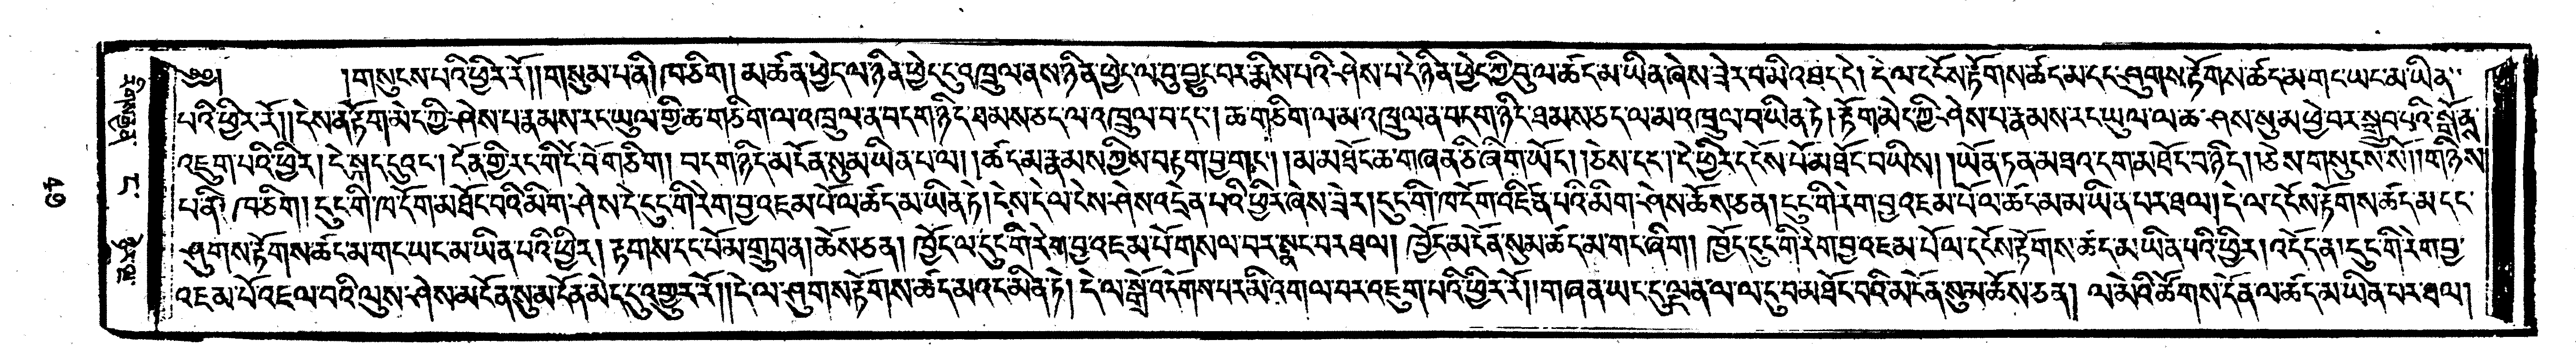༄༅། །གསུངས་པའི་ཕྱིར་རོ། །གསུམ་པ་ནི། ཁ་ཅིག །མཚན་ཕྱེད་ལ་ཉིན་ཕྱེད་དུ་འཁྲུལ་ནས་ཉིན་ཕྱེད་ལ་བུ་བྱུང་བར་རྨིས་པའི་ཤེས་པ་དེ་ཉིན་ཕྱེད་ཀྱི་བུ་ལ་ཚད་མ་ཡིན་ཞེས་ཟེར་བ་མི་འཐད་དེ། དེ་ལ་དངོས་རྟོགས་ཚད་མ་དང་ཤུགས་རྟོགས་ཚད་མ་གང་ཡང་མ་ཡིན་
པའི་ཕྱིར་རོ། །དེས་ན་རྟོག་མེད་ཀྱི་ཤེས་པ་རྣམས་རང་ཡུལ་གྱི་ཆ་གཅིག་ལ་འཁྲུལ་ན་བདག་ཉིད་ཐམས་ཅད་ལ་འཁྲུལ་བ་དང་། ཆ་གཅིག་ལ་མ་འཁྲུལ་ན་བདག་ཉིད་ཐམས་ཅད་ལ་མ་འཁྲུལ་བ་ཡིན་ཏེ། རྟོག་མེད་ཀྱི་ཤེས་པ་རྣམས་རང་ཡུལ་ལ་ཆ་ཤེས་སུ་མ་ཕྱེ་བར་སྒྲུབ་པའི་སྒོ་ནས་
འཇུག་པའི་ཕྱིར། དེ་སྐད་དུའང་། དོན་གྱི་རང་གི་ངོ་བོ་གཅིག །བདག་ཉིད་མངོན་སུམ་ཡིན་པ་ལ། །ཚད་མ་རྣམས་ཀྱིས་བརྟག་བྱ་གང་། །མ་མཐོང་ཆ་གཞན་ཅི་ཞིག་ཡོད། །ཅེས་དང་། དེ་ཕྱིར་དངོས་པོ་མཐོང་བ་ཡིས། །ཡོན་ཏན་མཐའ་དག་མཐོང་བ་ཉིད། །ཅེས་གསུངས་སོ། །གཉིས་
པ་ནི༑ ཁ་ཅིག །དུང་གི་ཁ་དོག་མཐོང་བའི་མིག་ཤེས་དེ་དུང་གི་རེག་བྱ་འཇམ་པོ་ལ་ཚད་མ་ཡིན་ཏེ། དེས་དེ་ལ་ངེས་ཤེས་འདྲེན་པའི་ཕྱིར་ཞེས་ཟེར། དུང་གི་ཁ་དོག་འཛིན་པའི་མིག་ཤེས་ཆོས་ཅན། དུང་གི་རེག་བྱ་འཇམ་པོ་ལ་ཚད་མ་མ་ཡིན་པར་ཐལ། དེ་ལ་དངོས་རྟོགས་ཚད་མ་དང་
ཤུགས་རྟོགས་ཚད་མ་གང་ཡང་མ་ཡིན་པའི་ཕྱིར། རྟགས་དང་པོ་མ་གྲུབ་ན། ཆོས་ཅན། ཁྱོད་ལ་དུང་གི་རེག་བྱ་འཇམ་པོ་གསལ་བར་སྣང་བར་ཐལ། ཁྱོད་མངོན་སུམ་ཚད་མ་གང་ཞིག །ཁྱོད་དུང་གི་རེག་བྱ་འཇམ་པོ་ལ་དངོས་རྟོགས་ཚད་མ་ཡིན་པའི་ཕྱིར། འདོད་ན། དུང་གི་རེག་བྱ་
འཇམ་པོ་འཇལ་བའི་ལུས་ཤེས་མངོན་སུམ་དོན་མེད་དུ་འགྱུར་རོ། །དེ་ལ་ཤུགས་རྟོགས་ཚད་མའང་མིན་ཏེ། དེ་ལ་སྒྲོ་འདོགས་དང་མི་འགལ་བར་འཇུག་པའི་ཕྱིར་རོ། །གཞན་ཡང་དུ་ལྡན་ལ་ལ་དུ་བ་མཐོང་བའི་མངོན་སུམ་ཆོས་ཅན། ལ་མེའི་ཚོགས་དོན་ལ་ཚད་མ་ཡིན་པར་ཐལ།